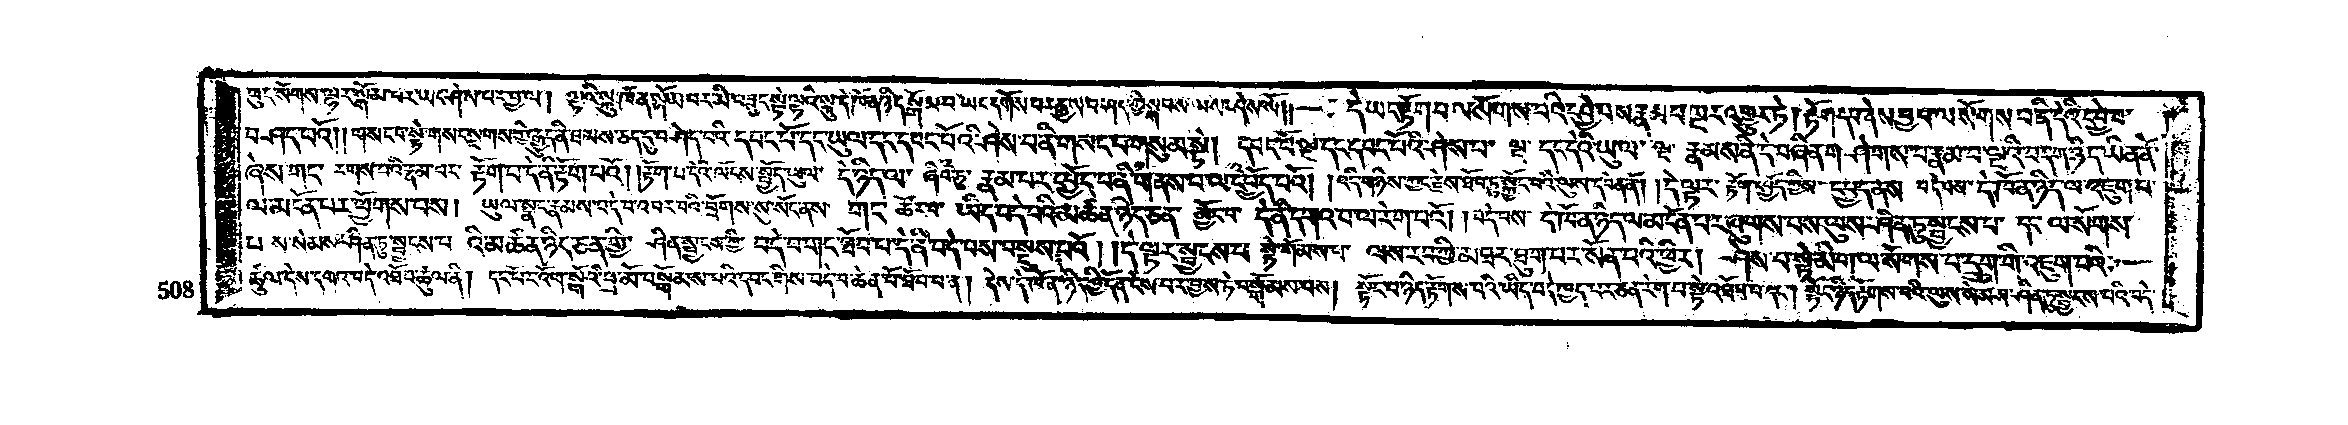ཕུང་སོགས་ལྷར་སྒོམ་པར་ཡང་ཤེས་པར་བྱ་ལ། ལྷའི་སྐུ་ཁོ་ན་སྒོམ་པར་མི་བཟུང་སྟེ་ལྷའི་སྐུ་དེ་ཁོ་ན་ཉིད་སྒོམ་པ་ཡང་དགོས་པར་རྒྱས་བཤད་ཀྱི་སྐབས་ལས་ཤེས་སོ།། .H དེ་ཡང་རྟོག་པ་ལ་སོགས་པའི་དབྱེ་བས་རྣམ་པ་ལྔར་འགྱུར་ཏེ། རྟོག་དང་ཞེས་བྱ་བ་ལ་སོགས་པ་ནི་དེའི་དབྱེ་བ་
བཤད་པའོ། ། གསང་བ་སྟེ་གསང་སྔགས་ཀྱི་རྒྱུད་ནི་ཐམས་ཅད་དུ་བཤད་པའི་དབང་པོ་དང་ཡུལ་དང་དབང་པོའི་ཤེས་པ་ནི་གསང་བ་གསུམ་སྟེ། དབང་པོ་ལྔ་དང་དབང་པོའི་ཤེས་པ་ལྔ་དང་དེའི་ཡུལ་ལྔ་རྣམས་ནི་དེ་བཞིན་གཤེགས་པ་རྣམ་པ་ལྔའི་བདག་ཉིད་ཡིན་ནོ་
ཞེས་གང་རགས་པའི་རྣམ་པར་རྟོག་པ་དེ་ནི་རྟོག་པའོ། ། རྟོག་པ་དེའི་ལོངས་སྤྱོད་ཡུལ་དེ་ཉིད་ལ ༢་ཞིབ་ཏུ་རྣམ་པར་དཔྱོད་པ་ནི ༡་གནས་པ་ལ ༣་དཔྱོད་པའོ། ། འདི་གཉིས་ཀྱང་རྗེས་ཐོབ་ཏུ་སྐྱོང་བའི་ལུས་དབེན་ནོ། །  དེ་ལྟར་རྟོག་དཔྱོད་ཀྱིས་དཔྱད་ནས་བདེ་བས་དེ་ཁོ་ན་ཉིད་ལ་འཇུག་པ་
ལ་མངོན་པར་ཕྱོགས་པས། ཡུལ་སྣང་རྣམས་བདེ་བ་འབར་བའི་གྲོགས་སུ་སོང་ནས་གང་ཚོར་བ་ཡིད་བདེ་བའི་མཚན་ཉིད་ཅན་མྱོང་བ་དེ་ནི་དགའ་བ་ལ་རེག་པའོ། །བདེ་བས་དེ་ཁོ་ན་ཉིད་ལ་མངོན་པར་ཞུགས་པས་ལུས་ཤིན་ཏུ་སྦྱངས་པ་དང་ལ་སོགས་
པས་སེམས་ཤིན་ཏུ་སྦྱངས་པའི་མཚན་ཉིད་ཅན་གྱི་ཤིན་སྦྱངས་ཀྱི་བདེ་བ་གང་ཐོབ་པ་དེ་ནི་བདེ་བས་བསྡུས་པའོ། །དེ་ལྟར་སྦྱངས་པ་སྟེ་གོམས་པ་ལས་རབ་ཀྱི་མཐར་ཐུག་པར་སོན་པའི་ཕྱིར། ཤེས་པ་སྟེ་མིག་ལ་སོགས་པ་དྲུག་གི་འཇུག་པའིཿ
ཚུལ་དེས་དགའ་བདེ་འཐོབ་ཚུལ་ནི། དང་པོར་འོག་སྒོའི་ཕྲ་མོ་བསྒོམས་པའི་དབང་གིས་བདེ་བ་ཆེན་པོ་ཐོབ་པ་ན། དེས་དེ་ཁོ་ན་ཉིད་ཀྱི་དོན་ངེས་པར་བྱས་ཏེ་བསྒོམས་པས། སྟོང་པ་ཉིད་རྟོགས་པའི་ཡིད་བདེ་ཁྱད་པར་ཅན་རེག་པ་སྟེ་འཐོབ་པ་དང་། སྟོང་ཉིད་རྟོགས་པའི་ལུས་སེམས་ཤིན་ཏུ་སྦྱངས་པའི་བདེ་